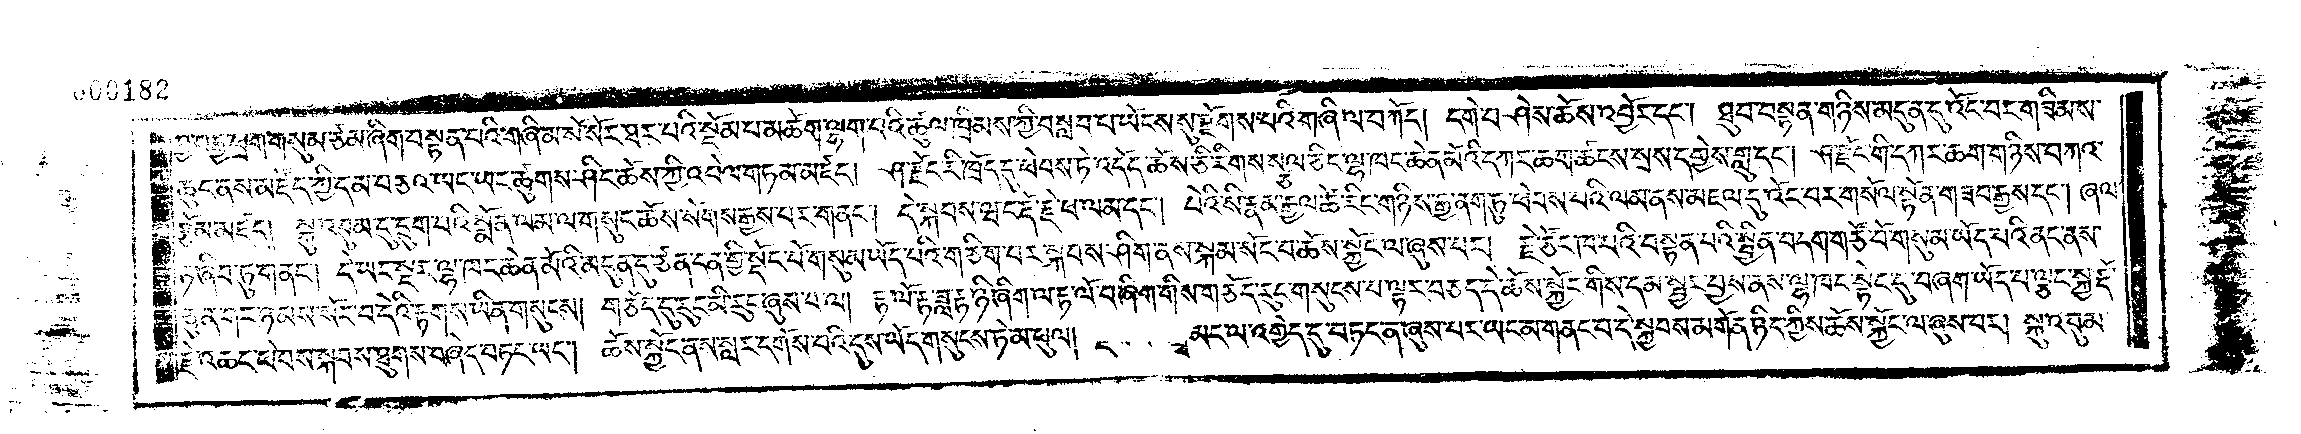བྱ་བརྒྱ་ཕྲག་གསུམ་ཙམ་ཞིག་བསྟན་པའི་གཞི་མ་སོ་སོར་ཐར་པའི་སྡོམ་པ་མཆོག་ལྷག་པའི་ཚུལ་ཁྲིམས་ཀྱི་བསླབ་པ་ཡོངས་སུ་རྫོགས་པའི་གཞི་ལ་བཀོད། དགེ་བཤེས་ཆོས་འབྱོར་དང་། ཐུབ་བསྟན་གཉིས་མདུན་དུ་འོང་བར་གཟིམས་
ཆུང་ནས་མཛོད་ཀྱི་དམ་བཅའ་ཡང་ཡང་ཚུགས་ཤིང་ཆོས་ཀྱི་འབེལ་གཏམ་མཛད། ཤ་རྫོང་རི་ཁྲོད་དུ་ཕེབས་ཏེ་འདོད་ཆོས་ཅི་རིགས་སྩལ་ཅིང་ལྷ་ཁང་ཆེན་མོའི་དཀར་ཆག་ཚངས་སྲས་དགྱེས་གླུ་དང་། ཤ་རྫོང་གི་དཀར་ཆག་གཉིས་བཀའ་
རྩོམ་མཛད། སྐུ་འབུམ་དུ་དྲུག་པའི་སྨོན་ལམ་ལ་གསུང་ཆོས་སོགས་རྒྱས་པར་གནང་། དེ་སྐབས་ཝང་རྡོ་རྗེ་ཕ་ལམ་དང་། པེའི་སི་རྣམ་རྒྱལ་ཚེ་རིང་གཉིས་རྒྱ་ནག་ཏུ་ཕེབས་པའི་ལམ་ནས་མཇལ་དུ་འོང་བར་གསོལ་སྟོན་གཟབ་རྒྱས་དང་། ཞལ་
ཏ་ཞིབ་ཏུ་གནང་། དེ་ཡང་སྔར་ལྷ་ཁང་ཆེན་མོའི་མདུན་དུ་ཙན་དན་གྱི་སྡོང་པོ་གསུམ་ཡོད་པའི་གཅིག་བར་སྐབས་ཤིག་ནས་སྐམ་སོང་བ་ཆོས་སྐྱོང་ལ་ཞུས་པར། རྗེ་ཙོང་ཁ་པའི་བསྟན་པའི་སྦྱིན་བདག་གཙོ་བོ་གསུམ་ཡོད་པའི་ནང་ནས་
ཅུན་གར་ཉམས་སོང་བ་དེའི་རྟགས་ཡིན་གསུངས། གཅོད་དུ་རུང་མི་རུང་ཞུས་པ་ལ། རྟ་ལོ་རྟ་ཟླ་རྟ་ཉི་ཞིག་ལ་རྟ་ལོ་བ་ཞིག་གིས་གཅོད་རུང་གསུངས་པ་ལྟར་བཅད་དེ་ཆོས་སྐྱོང་གིས་དམ་སྦྱར་བྱས་ནས་ལྷ་ཁང་སྟེང་དུ་བཞག་ཡོད་པ་ལྕང་སྐྱ་རྡོ་
རྗེ་འཆང་ཕེབས་སྐབས་ཐུགས་བཞེད་བཏང་ཡང་། ཆོས་སྐྱོང་ནས་སླར་དགོས་པའི་དུས་ཡོད་གསུངས་ཏེ་མ་ཕུལ། རྗེས་སོར་གྲྭ་མང་ལ་འགྱེད་དུ་བཏང་ན་ཞུས་པར་ཡང་མ་གནང་བ་དེ་སྐྱབས་མགོན་ཉིད་ཀྱིས་ཆོས་སྐྱོང་ལ་ཞུས་པར། སྐུ་འབུམ་